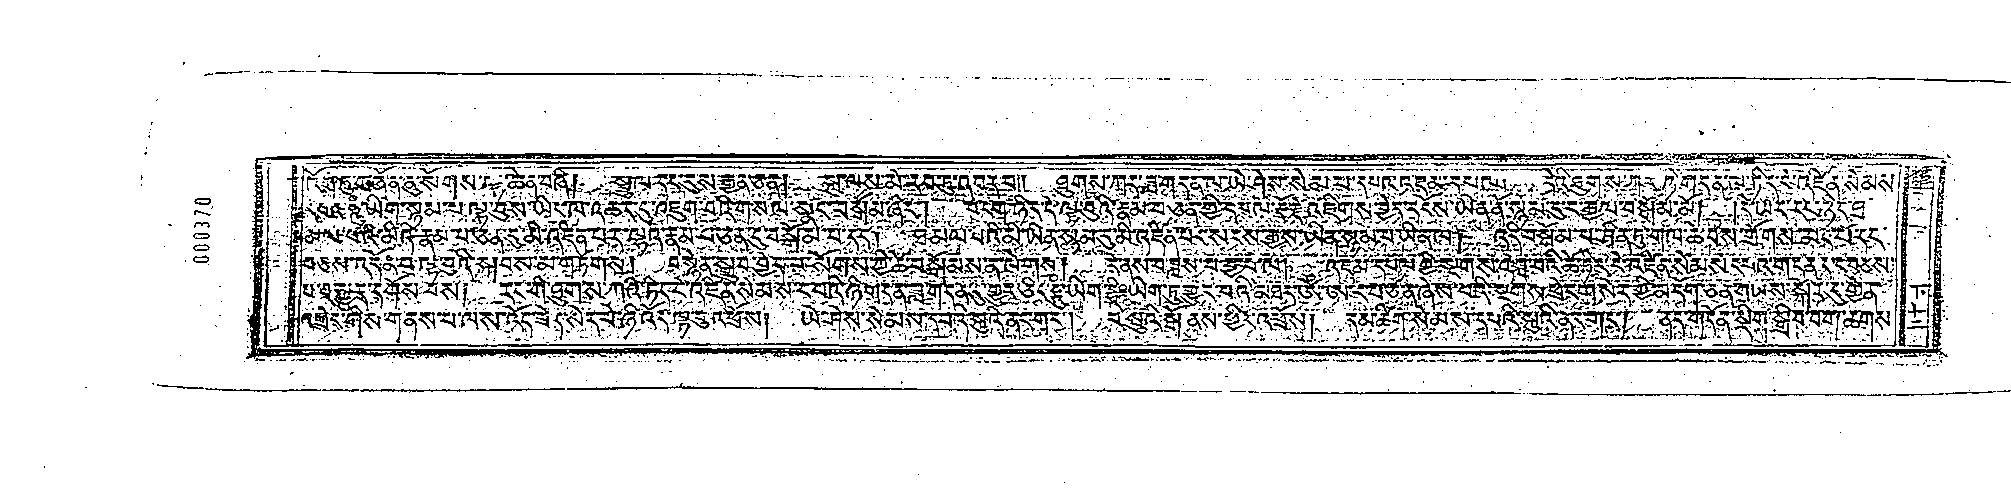འོག་ཏུ་གཞོན་ནུ་སོགས་ལྷ་ཆེན་བཞི། སྦྲུལ་དང་རུས་རྒྱན་ཅན། སྐུ་ལས་མེ་རབ་ཏུ་འབར་བ། ཐུགས་ཀར་ཟླ་གདན་ལ་ཡེ་ཤེས་སེམས་དཔའ་འཇམ་དཔལ། དེའི་ཐུགས་ཀར་ཉི་གདན་ལ་ཏིང་ངེ་འཛིན་སེམས་
དཔའ་ཧཱུཾ་ཡིག་སྙམ་པ་ལྟ་བུས་ཡིད་ལ་འཆང་དུ་འཇུག་བའི་གསལ་སྣོད་བསྒོམ་ཞིང་། བདག་ཉིད་དེ་ལྟ་བུའི་རྣམ་པ་ཅན་གྱི་དཔལ་རྡོ་རྗེ་འཇིགས་བྱེད་དངོས་ཡིན་ནོ་སྙམ་དུ་ང་རྒྱལ་བསྒོམ་མོ། །དེ་ཡང་རང་ཉིད་ཐ་
མལ་པའི་མིའི་རྣམ་པ་ཅན་དུ་མི་འཛིན་པར་ལྷའི་རྣམ་པ་ཅན་དུ་བསྒོམ་པ་དང་། ཐ་མལ་པའི་མི་ཡིན་སྙམ་དུ་མི་འཛིན་པར་སངས་རྒྱས་ཡིན་སྙམ་པ་ཡིན་ལ། འདི་བསྒོམ་པ་ཤིན་ཏུ་གལ་ཆེ་བས་གྲོགས་མང་པོ་དང་
བཅས་འདོན་པ་ལྟ་བུའི་སྐབས་མ་གཏོགས། བསྙེན་སྒྲུབ་བྱེད་པ་སོགས་ཀྱི་ཚེ་བསྒོམས་ན་ལེགས། དེ་ནས་བཟླས་པ་བྱ་པ་ལ། འཇམ་དཔལ་གྱི་སྔགས་བཟླ་བའི་ཚེ་ཏིང་ངེ་འཛིན་སེམས་དཔའ་གདན་དང་བཅས་
པ་བསྒྱུར་དགོས་བས། རང་གི་ཐུགས་ཀའི་ཏིང་ངེ་འཛིན་སེམས་དཔའི་ཉི་གདན་ཟླ་གདན་དུ་གྱུར་ཅིང་ཧཱུཾ་ཡིག་དྷཱིཿ་ཡིག་ཏུ་གྱུར་བའི་མཐར་ཨོཾ་ཨ་ར་པ་ཙ་ན་ཞེས་པའི་སྔགས་ཕྲེང་གསེར་གྱི་མདོག་ཅན་གཡས་སྐོར་དུ་གྱེན་
འགྲེང་གིས་གནས་པ་ལས་འོད་ཟེར་སེར་པོ་ཉི་འོད་ལྟ་བུ་འཕྲོས། ཡེ་ཤེས་སེམས་དཔའི་སྐུའི་ནང་གང་། བ་སྤུའི་སྒོ་ནས་ཕྱིར་འཕྲོས། དམ་ཚིག་སེམས་དཔའི་སྐུའི་ནང་གང་། ནད་གདོན་སྡིག་སྒྲིབ་བག་ཆགས་